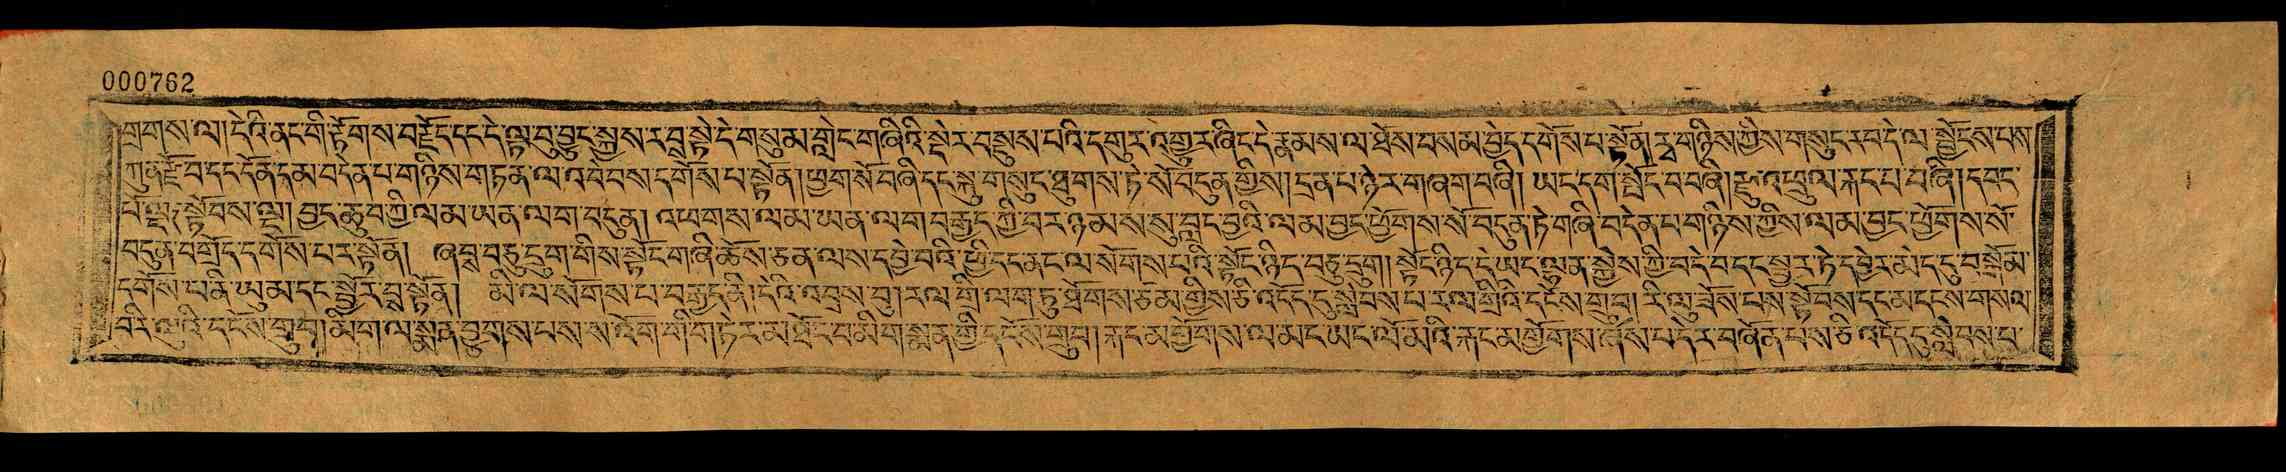གྲགས་ལ། དེའི་ནང་གི་རྟོགས་བརྗོད་དང་དེ་ལྟ་བུ་བྱུང་སྐྱེས་རབས་སྟེ་དེ་གསུམ་གླེང་གཞིའི་སྡེར་བསྡུས་པའི་དགུར་འགྱུར་ཞིང་དེ་རྣམས་ལ་ཐོས་བསམ་བྱེད་དགོས་པ་སྟོན། རྭ་གཉིས་ཀྱིས་གསུང་རབ་དེ་ལ་སྦྱངས་པས་
ཀུན་རྫོབ་དང་དོན་དམ་བདེན་པ་གཉིས་གཏན་ལ་འབེབས་དགོས་པ་སྟོན། ཕྱག་སོ་བཞི་དང་སྐུ་གསུང་ཐུགས་ཏེ་སོ་བདུན་གྱིས། དྲན་པ་ཉེར་གཞག་བཞི། ཡང་དག་སྤོང་བ་བཞི། རྫུ་འཕྲུལ་རྐང་པ་བཞི། དབང་
པོ་ལྔ༑ སྟོབས་ལྔ། བྱང་ཆུབ་ཀྱི་ལམ་ཡན་ལག་བདུན། འཕགས་ལམ་ཡན་ལག་བརྒྱད་ཀྱི་བར་ཉམས་སུ་བླང་བྱའི་ལམ་བྱང་ཕྱོགས་སོ་བདུན་ཏེ་གཞི་བདེན་པ་གཉིས་ཀྱིས་ལམ་བྱང་ཕྱོགས་སོ་
བདུན་བགྲོད་དགོས་པར་སྟོན། ཞབས་བཅུ་དྲུག་གིས་སྟོང་གཞི་ཆོས་ཅན་ལས་དབྱེ་བའི་ཕྱི་དང་ནང་ལ་སོགས་པའི་སྟོང་ཉིད་བཅུ་དྲུག །སྟོང་ཉིད་དེ་ཡང་ལྷན་སྐྱེས་ཀྱི་བདེ་བ་དང་སྦྱར་ཏེ་དབྱེར་མེད་དུ་བསྒོམ་
དགོས་པ་ནི་ཡུམ་དང་སྦྱོར་བས་སྟོན། མི་ལ་སོགས་པ་བརྒྱད་ནི། དེའི་འབྲས་བུ། རལ་གྲི་ལག་ཏུ་ཐོགས་ཙམ་གྱིས་ཅི་འདོད་དུ་སླེབས་པ་རལ་གྲིའི་དངོས་གྲུབ། རི་ལུ་ཟོས་པས་སྟོབས་དང་མདངས་གསལ་
བ་རི་ལུའི་དངོས་གྲུབ། མིག་ལ་སྨན་བྱུགས་པས་ས་འོག་གི་གཏེར་མཐོང་བ་མིག་སྨན་གྱི་དངོས་གྲུབ། རྐང་མགྱོགས་ལ་མང་ཡང་ལོ་མའི་རྐང་མགྱོགས་ཞེས་པ་དེར་བཞོན་པས་ཅི་འདོད་དུ་སླེབས་པ་